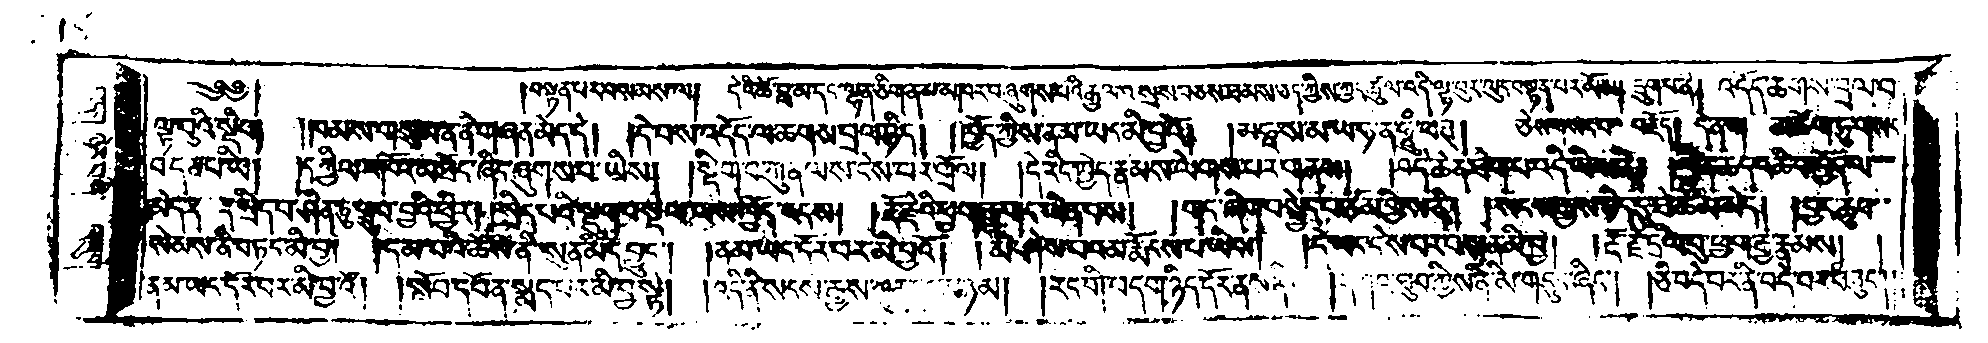༄༅། །བསྟན་པར་བསམས་ལ། དེའི་ཚེ་བླ་མ་དང་ལྷན་ཅིག་ནམ་མཁར་བཞུགས་པའི་རྒྱལ་བ་སྲས་བཅས་ཐམས་ཅད་ཀྱིས་ཀྱང་ཚུལ་འདི་ལྟ་བུར་ལུང་བསྟན་པར་མོས། དྲུག་པ་ནི། འདོད་ཆགས་བྲལ་བ་
ལྟ་བུའི་སྡིག །ཁམས་གསུམ་ན་ནི་གཞན་མེད་དེ། །དེ་བས་འདོད་ལ་ཆགས་བྲལ་ཉིད། །ཁྱོད་ཀྱིས་ནམ་ཡང་མི་བྱའོ། །མཧཱ་ས་མ་ཡ་ཧ་ན་ཧཱུཾ་ཕཊ། ཅེས་གསང་བ་བརྗོད། དེ་ནས།  མཆོག་ཏུ་གསང་
བ་དམ་པ་ཡི། །དཀྱིལ་འཁོར་མཐོང་ཞིང་ཞུགས་པ་ཡིས། །སྡིག་པ་ཀུན་ལས་ངེས་པར་གྲོལ། །དེ་རིང་ཁྱེད་རྣམས་ལེགས་པར་གནས། །བདེ་ཆེན་ཐེག་པ་འདི་ཡིས་ནི། །ཕྱིན་ཆད་འཆི་བ་ཁྱོད་ལ་
མེད། །སྲིད་པ་ཤིན་ཏུ་གྲུབ་བྱའི་ཕྱིར། །སྲིད་པའི་སྡུག་བསྔལ་ལས་ཁྱོད་འདས། །རྡོ་རྗེའི་ཕྱག་རྒྱ་གང་ཡིན་པས། །གང་ཞིག་བསྐྱེད་པ་ཙམ་གྱིས་ནི། །སངས་རྒྱས་ཉིད་དུ་ཐེ་ཚོམ་མེད། །བྱང་ཆུབ་
སེམས་ནི་བཏང་མི་བྱ། །དམ་པའི་ཆོས་ནི་སུན་མི་དབྱུང་། །ནམ་ཡང་དོར་བར་མི་བྱའོ། །མི་ཤེས་པའམ་རྨོངས་པ་ཡིས། །དེ་ཡང་ངེས་པར་བསྟན་མི་བྱ། །རྡོ་རྗེ་དྲིལ་བུ་ཕྱག་རྒྱ་རྣམས། །
ནམ་ཡང་དོར་བར་མི་བྱའོ། །སློབ་དཔོན་སྨད་པར་མི་བྱ་སྟེ། །འདི་ནི་སངས་རྒྱས་ཀུན་དང་མཉམ། །རང་གི་བདག་ཉིད་དོར་ནས་ནི། །དཀའ་ཐུབ་ཀྱིས་ནི་མི་གདུང་ཞིང་། །ཅི་བདེ་བར་ནི་བདེ་བར་བཟུང།།